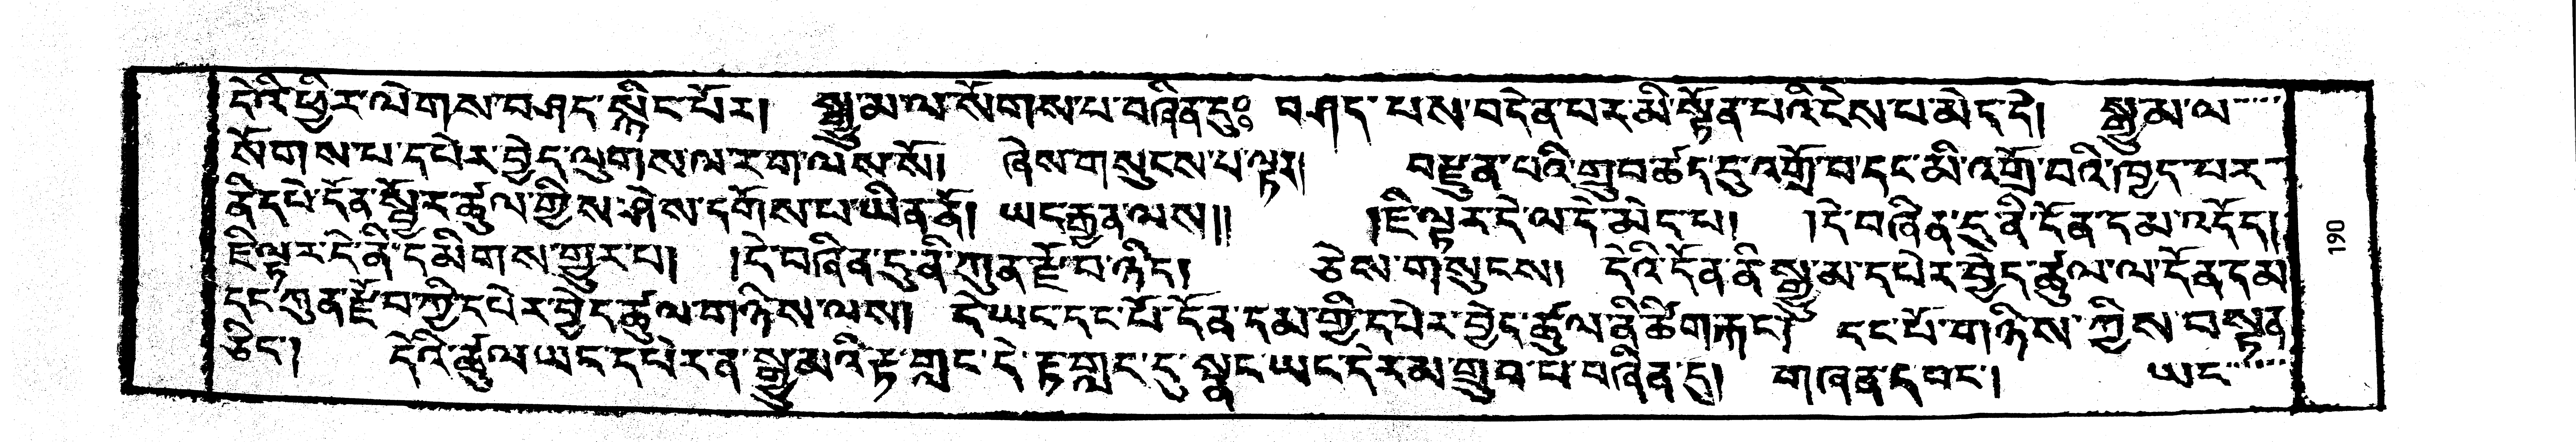དེའི་ཕྱིར་ལེགས་བཤད་སྙིང་པོར། སྒྱུ་མ་ལ་སོགས་པ་བཞིན་དུཿ བཤད་པས་བདེན་པར་མི་སྟོན་པའི་ངེས་པ་མེད་དེ། སྒྱུ་མ་ལ་
སོགས་པ་དཔེར་བྱེད་ལུགས་ལ་རག་ལས་སོ། ཞེས་གསུངས་པ་ལྟར། བརྫུན་པའི་གྲུབ་ཚད་དུ་འགྲོ་བ་དང་མི་འགྲོ་བའི་ཁྱད་པར་
ནི་དཔེ་དོན་སྦྱོར་ཚུལ་གྱིས་ཤེས་དགོས་པ་ཡིན་ནོ། ཡང་རྒྱན་ལས། ། །ཇི་ལྟར་དེ་ལ་དེ་མེད་པ། །དེ་བཞིན་དུ་ནི་དོན་དམ་འདོད།
ཇི་ལྟར་དེ་ནི་དམིགས་གྱུར་པ། །དེ་བཞིན་དུ་ནི་ཀུན་རྫོབ་ཉིད། ཅེས་གསུངས། དེའི་དོན་ནི་སྒྱུ་མ་དཔེར་བྱེད་ཚུལ་ལ་དོན་དམ་
དང་ཀུན་རྫོབ་ཀྱི་དཔེར་བྱེད་ཚུལ་གཉིས་ལས། དེ་ཡང་དང་པོ་དོན་དམ་གྱི་དཔེར་བྱེད་ཚུལ་ནི་ཚིག་རྐང་། དང་པོ་གཉིས་ཀྱིས་བསྟན་
ཅིང་། དེའི་ཚུལ་ཡང་དཔེར་ན་སྒྱུ་མའི་རྟ་གླང་དེ་རྟ་གླང་དུ་སྣང་ཡང་དེར་མ་གྲུབ་པ་བཞིན་དུ། གཞན་དབང་། ཡང་